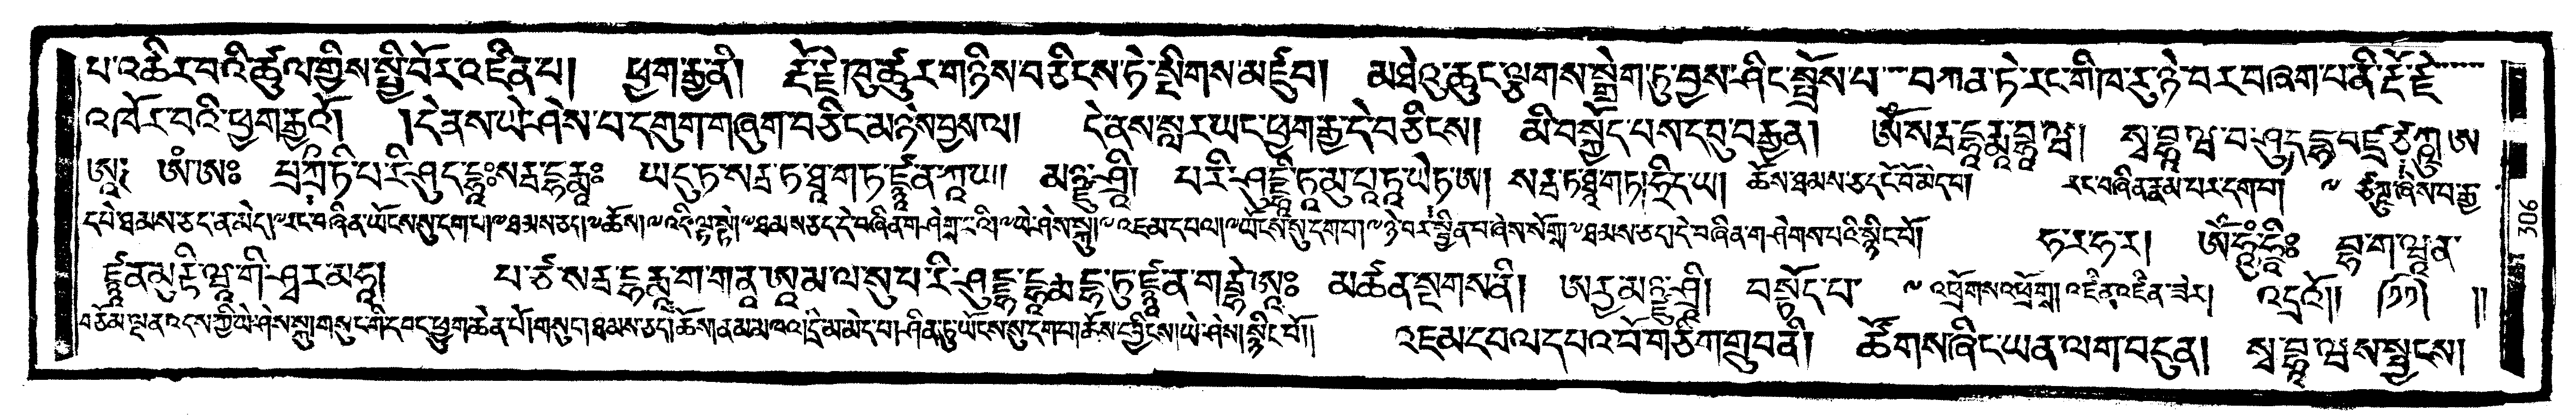པ་འཆིར་བའི་ཚུལ་གྱིས་སྤྱི་བོར་འཛིན་པ། ཕྱག་རྒྱ་ནི། རྡོ་རྗེ་ཁུ་ཚུར་གཉིས་བཅིངས་ཏེ་སྡིགས་མཛུབ། མཐེའུ་ཆུང་ལྕགས་སྒྲེག་ཏུ་བྱས་ཤིང་སྤྲོས་པ་བཀན་ཏེ་རང་གི་ཁ་རུ་ཉེ་བར་བཞག་པ་ནི་རྡོ་རྗེ་
འཁོར་བའི་ཕྱག་རྒྱའོ། །དེ་ནས་ཡེ་ཤེས་པ་དགུག་གཞུག་བཅིང་མཉེས་བྱས་ལ། དེ་ནས་སླར་ཡང་ཕྱག་རྒྱ་དེ་བཅིངས། མི་བསྐྱོད་པས་དབུ་བརྒྱན། ཨོཾ་སརྦ་དྷཱརྨཱ་བྷཱ་ཝ། སྭ་བྷཱ་ཝ་བ་ཤུད་དྷ་བཛྲ་ཙཀྵུ་ཨ་
ཨཱ༑ ཨཾ་ཨཿ པྲཀྲྀ་ཏི་པ་རི་ཤུད་དྷཱཿསརྦ་དྷརྨཱཿ ཡ་དུ་ཏ་སརྦ་ཏ་ཐཱ་ག་ཏ་ཛྙཱ་ན་ཀཱ་ཡ། མཉྫུ་ཤྲཱི། པ་རི་ཤུདྡྷཱི་ཏཱ་མུ་པཱ་ཏཱ་ཡེ་ཏ་ཨ། སརྦ་ཏ་ཐཱ་ག་ཏ། ཧྲི་ད་ཡ། ཆོས་ཐམས་ཅད་ངོ་བོ་མེད་པ། རང་བཞིན་རྣམ་པར་དག་པ། ༧་ཙཀྵུ་ཞེས་བརྒྱ་
དཔེ་ཐམས་ཅད་ན་མེད། ༧རང་བཞིན་ཡོངས་སུ་དག་པ། ༧ཐམས་ཅད། ༧ཆོས། ༧འདི་ལྟ་སྟེ། ༧ཐམས་ཅད་དེ་བཞིན་གཤེགས་པའི། ༧ཡེ་ཤེས་སྐུ། ༧འཇམ་དཔལ། ༧ཡོངས་སུ་དག་པ། ༧ཉེ་བར་སྦྱིན་པ་ཞེས་སོགས། ༧ཐམས་ཅད། དེ་བཞིན་གཤེགས་པའི་སྙིང་པོ། ཧ་ར་ཧ་ར། ཨོཾ་ཧཱུཾ་ཧྲཱིཿ བྷ་ག་ཝཱན་
ཛྙཱན་མུརྟི་ཝཱ་གི་ཤྭ་ར་མཧཱ། པ་ཙ་སརྦ་དྷརྨཱ་ག་ག་ནཱ་ཨཱ་མ་ལ་སུ་པ་རི་ཤུདྡྷ་དྷཱརྨ་དྷ་ཏུ་ཛྙཱ་ན་གརྦྷེ་ཨཱཿ མཚན་སྔགས་ནི། ཨརྱ་མཉྫུ་ཤྲཱི། བསྟོད་པ་༧་འཕྲོགས་འཕྲོགས། འཛིན་འཛིན་ཟེར། འདྲའོ།། ༡༡?་།།
བཅོམ་ལྡན་འདས་ཀྱི་ཡེ་ཤེས་སྐུ། གསུང་གི་དབང་ཕྱུག་ཆེན་པོ། གསུང་། ཐམས་ཅད། ཆོས་།ནམ་མཁའ། དྲི་མ་མེད་པ། ཤིན་ཏུ་ཡོངས་སུ་དག་པ། ཆོས་དབྱིངས། ཡེ་ཤེས། སྙིང་པོ།། འཇམ་དཔལ་དཔའ་བོ་གཅིག་གྲུབ་ནི། ཚོགས་ཞིང་ཡན་ལག་བདུན། སྭ་བྷཱ་ཝས་སྦྱངས།